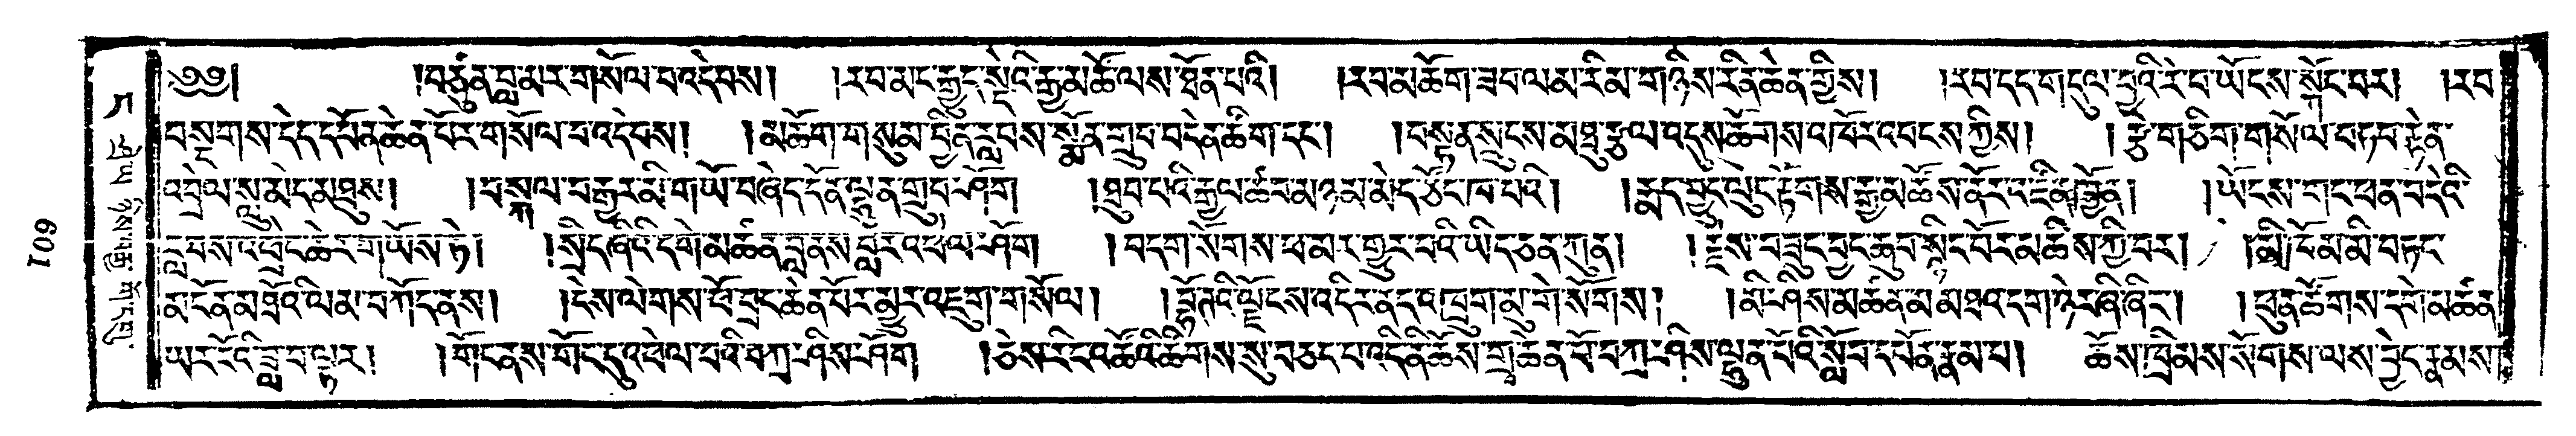༄༅། །བཙུན་བླ་མར་གསོལ་བ་འདེབས། །རབ་མང་རྒྱུད་སྡེའི་རྒྱ་མཚོ་ལས་ཐོན་པའི། །རབ་མཆོག་ཟབ་ལམ་རིམ་གཉིས་རིན་ཆེན་གྱིས། །རབ་དད་གདུལ་བྱའི་རེ་བ་ཡོངས་སྐོང་བར། །རབ་
བསྔགས་དེད་དཔོན་ཆེན་པོར་གསོལ་བ་འདེབས། །མཆོག་གསུམ་བྱིན་རླབས་སྨོན་གྲུབ་བདེན་ཚིག་དང་། །བསྟན་སྲུངས་མཐུ་རྩལ་འདུས་ཚོགས་འཁོར་འབངས་ཀྱིས། །རྩེ་གཅིག་གསོལ་བཏབ་རྟེན་
འབྲེལ་སླུ་མེད་མཐུས། །བསྐལ་བརྒྱར་མི་གཡོ་བཞེད་དོན་ལྷུན་གྲུབ་ཤོག །ཐུབ་པའི་རྒྱལ་ཚབ་མཉམ་མེད་ཙོང་ཁ་པའི། །རྨད་བྱུང་ལུང་རྟོགས་རྒྱ་མཚོས་ནོར་འཛིན་ཁྱོན། །ཡོངས་གང་ཕན་བདེའི་
རླབས་འཕྲེང་ཆེར་གཡོས་ཏེ། །སྲིད་ཞིའི་དགེ་མཚན་བླ་ནས་བླར་འཕེལ་ཤོག །བདག་སོགས་ཕ་མར་གྱུར་པའི་ཡིད་ཅན་ཀུན། །རྗེས་བཟུང་བྱང་ཆུབ་སྙིང་པོར་མཆིས་ཀྱི་བར། །མི་ཁོམ་མི་བཏང་
མངོན་མཐོའི་ལམ་བཀོད་ནས། །ངེས་ལེགས་ཕོ་བྲང་ཆེན་པོར་མྱུར་འཇུག་གསོལ། །བྷོ་ཊའི་ལྗོངས་འདིར་ནད་འཁྲུག་མུ་གེ་སོགས། །མི་ཤིས་མཚན་མ་མཐའ་དག་ཉེར་ཞི་ཞིང་། །ཕུན་ཚོགས་དགེ་མཚན་
ཡང་ངོའི་ཟླ་བ་ལྟར། །གོང་ནས་གོང་དུ་འཕེལ་བའི་བཀྲ་ཤིས་ཤོག །ཅེས་རིང་འཚོའི་ཚིགས་སུ་བཅད་པ་འདི་ནི་ཆོས་གྲྭ་ཆེན་པོ་བཀྲ་ཤིས་ལྷུན་པོའི་སློབ་དཔོན་རྣམ་པ། ཆོས་ཁྲིམས་སོགས་ལས་བྱེད་རྣམས་